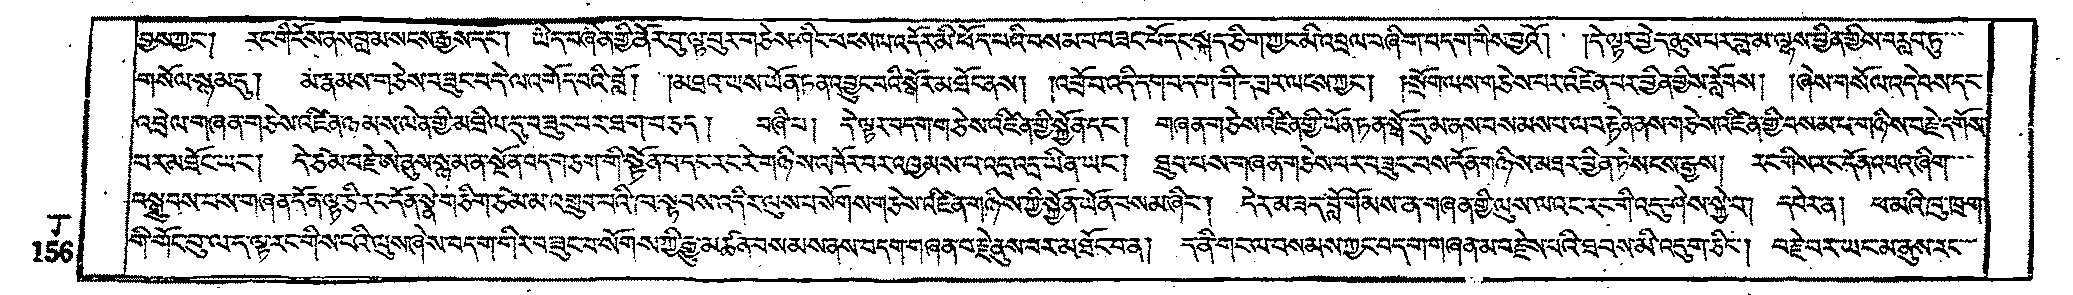བྱས་ཀྱང་། རང་གི་ངོས་ནས་བླ་མ་སངས་རྒྱས་དང་། ཡིད་བཞིན་གྱི་ནོར་བུ་ལྟ་བུར་གཅེས་ཤིང་ཕངས་ལ་འདོར་མི་ཕོད་པའི་བསམ་པ་བཟང་པོ་དང་སྐད་ཅིག་ཀྱང་མི་འབྲལ་བཞིག་བདག་གིས་བྱའོ། །དེ་ལྟར་བྱེད་ནུས་པར་བླ་མ་ལྷས་བྱིན་གྱིས་བརླབ་ཏུ་་་
གསོལ་སྙམ་དུ། མ་རྣམས་གཅེས་བཟུང་བདེ་ལ་འགོད་པའི་བློ། །མཐའ་ཡས་ཡོན་ཏན་འབྱུང་བའི་སྒོར་མཐོང་ནས། །འགྲོ་བ་འདི་དག་དག་གི་དགྲར་ལངས་ཀྱང་། །སྲོག་ལས་གཅེས་པར་འཛིན་པར་བྱིན་གྱིས་རློབས། །ཞེས་གསོལ་འདེབས་དང་
འབྲེལ་གཞན་གཅེས་འཛིན་ཉམས་ལེན་གྱི་མཐིལ་དུ་བཟུང་བར་ཐག་བཅད། བཞི་པ། དེ་ལྟར་བདག་གཅེས་འཛིན་གྱི་སྐྱོན་དང་། གཞན་གཅེས་འཛིན་གྱི་ཡོན་ཏན་སྒོ་དུ་མ་ནས་བསམས་པ་ལ་བརྟེན་ནས་གཅེས་འཛིན་གྱི་བསམ་པ་གཉིས་བརྗེ་དགོས་
པར་མཐོང་ཡང་། དེ་ཙམ་བརྗེ་ཨེ་ནུས་སྙམ་ན་སྔོན་བདག་ཅག་གི་སྟོན་པ་དང་རང་རེ་གཉིས་འཁོར་བར་འཁྱམས་པ་འདྲ་འདྲ་ཡིན་ཡང་། ཐུབ་པས་གཞན་གཅེས་པར་བཟུང་བས་དོན་གཉིས་མཐར་ཕྱིན་ཏེ་སངས་རྒྱས། རང་གིས་རང་དོན་འབའ་ཞིག་་་
བསྒྲུབས་པས་གཞན་དོན་ལྟ་ཅི་རང་དོན་སྣེ་གཅིག་ཙམ་མ་འགྲུབ་པའི་ཁ་སྟབས་འདིར་ལུས་པ་སོགས་གཅེས་འཛིན་གཉིས་ཀྱི་སྐྱོན་ཡོན་བསམ་ཞིང་། དེར་མ་ཟད་བློ་གོམས་ན་གཞན་གྱི་ལུས་ལའང་རང་གི་འདུ་ཤེས་སྐྱེ་བ། དཔེར་ན། ཕ་མའི་ཁུ་ཁྲག་
གི་གོང་བུ་ལ་ད་ལྟ་རང་གིས་ངའི་ལུས་ཞེས་བདག་གིར་བཟུང་བ་སོགས་ཀྱི་རྒྱུ་མཚན་བསམས་ནས་བདག་གཞན་བརྗེ་ནུས་བར་མཐོང་བ་ན། ད་ནི་གང་ལ་བསམས་ཀྱང་བདག་གཞན་མ་བརྗེས་པའི་ཐབས་མི་འདུག་ཅིང་། བརྗེ་བར་ཡང་མ་ནུས་རང་་་